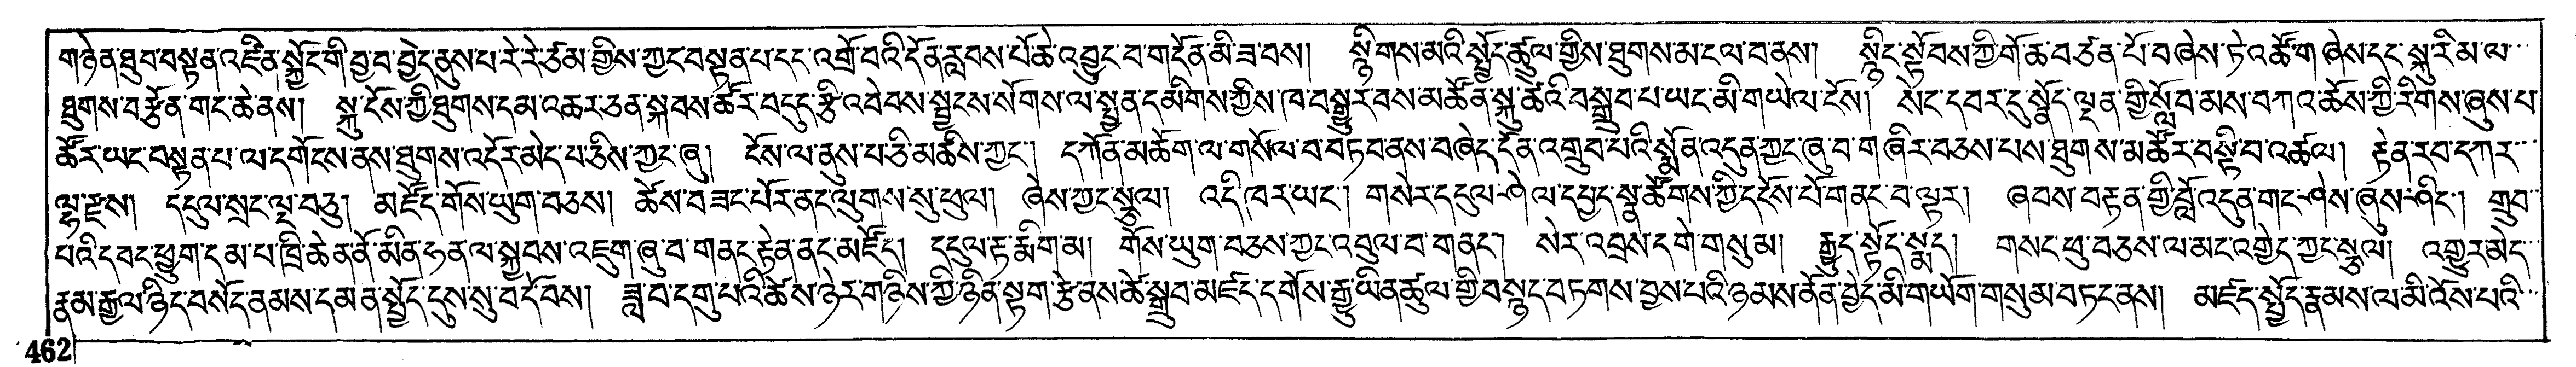གཉེན་ཐུབ་བསྟན་འཛིན་སྐྱོང་གི་བྱ་བ་བྱེད་ནུས་པ་རེ་རེ་ཙམ་གྱིས་ཀྱང་བསྟན་པ་དང་འགྲོ་བའི་དོན་རླབས་པོ་ཆེ་འབྱུང་བ་གདོན་མི་ཟ་བས། སྙིགས་མའི་སྤྱོད་ཚུལ་གྱིས་ཐུགས་མི་ངལ་བ་ནས། སྙིང་སྟོབས་ཀྱི་གོ་ཆ་བཙན་པོ་བཞེས་ཏེ་འཚོ་གཞེས་དང་སྐུ་རིམ་ལ་
ཐུགས་བརྩོན་གང་ཆེ་ནས། སྐུ་ངོས་ཀྱི་ཐུགས་དམ་འཆར་ཅན་སྐབས་ཚོར་བདུད་རྩི་འབེབས་སྦྱངས་སོགས་ལ་སྦྱན་དམིགས་ཀྱིས་ཁ་བསྒྱུར་བས་མཚོན་སྐུ་ཚའི་བསྒྲུབ་པ་ཡང་མི་གཡེལ་ངོས། སེང་དབར་དུ་སྣོད་ལྡན་གྱི་སློབ་མས་བཀའ་ཆོས་ཀྱི་རིགས་ཞུས་པ་
ཚོར་ཡང་བསྟན་པ་ལ་དགོངས་ནས་ཐུགས་འདོར་མེད་པ་ཅིས་ཀྱང་ཞུ། ངོས་ལ་ནུས་པ་ཅི་མཆིས་ཀྱང་། དཀོན་མཆོག་ལ་གསོལ་བ་བཏབ་ནས་བཞེད་དོན་འགྲུབ་པའི་སྨོན་འདུན་ཀྱང་ཞུ་བ་གཞིར་བཅས་པས་ཐུགས་མཚོར་བསྟིབ་འཚལ། རྟེན་རབ་དཀར་
ལྷ་རྫས། དངུལ་སྲང་ལྔ་བཅུ། མཛོད་གོས་ཡུག་བཅས། ཚེས་བཟང་པོར་ནང་ལུགས་སུ་ཕུལ། ཞེས་ཀྱང་སྩལ། འདི་ཁར་ཡང་། གསེར་དངུལ་ཤེལ་དཔྱད་སྣ་ཚོགས་ཀྱི་དངོས་པོ་གནང་བ་ལྟར། ཞབས་བརྟན་གྱི་བློ་འདུན་གང་ཤེས་ཞུས་ཤིང་། གྲུབ་
པའི་དབང་ཕྱུག་དམ་པ་ཁྲི་ཆེན་ནོ་མིན་ཧན་ལ་སྐྱབས་འཇུག་ཞུ་བ་གནང་རྟེན་ནང་མཛོད། དངུལ་རྟ་རྨིག་མ། གོས་ཡུག་བཅས་ཀྱང་འབུལ་བ་གནང་། སེར་འབྲས་དགེ་གསུམ། རྒྱུད་སྟོད་སྨད། གསང་ཕུ་བཅས་ལ་མང་འགྱེད་ཀྱང་སྩལ། འགྱུར་མེད་
རྣམ་རྒྱལ་ཉིད་བསོད་ནམས་དམན་སྦྱོད་དུས་སུ་བདོ་བས། ཟླ་བ་དགུ་པའི་ཚེས་ཉེར་གཉིས་ཀྱི་ཉིན་སྟག་རྩེ་ནས་ཚེ་སྒྲུབ་མཛད་དགོས་རྒྱུ་ཡིན་ཚུལ་གྱི་བསྙད་བཏགས་བྱས་པའི་ཉམས་ནོན་བྱེད་མི་གཡོག་གསུམ་བཏང་ནས། མཛད་སྤྱོད་རྣམས་ལ་མི་འོས་པའི་